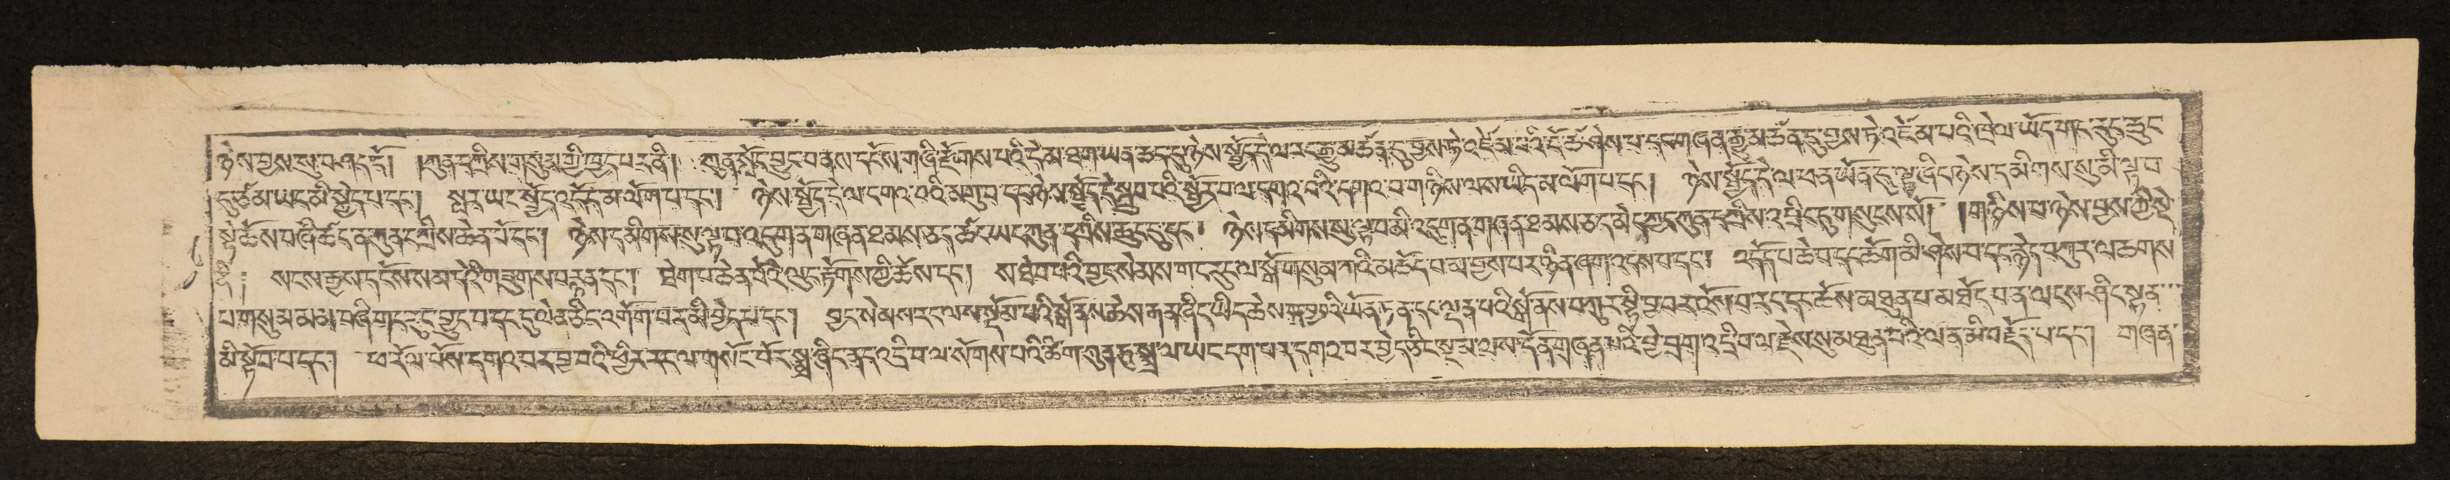ཉེས་བྱས་སུ་བཤད་དོ། །ཀུན་དཀྲིས་གསུམ་གྱི་ཁྱད་པར་ནི། ཀུན་སློང་བྱུང་བ་ནས་དངོས་གཞི་རྫོགས་པའི་དེ་མ་ཐག་ཡན་ཆད་དུ་ཉེས་སྤྱོད་དེ་ལ་རང་རྒྱུ་མཚན་དུ་བྱས་ཏེ་འཛེམ་པའི་དོ་ཚ་ཤེས་པ་དང་གཞན་རྒྱུ་མཚན་དུ་བྱས་ཏེ་འཛེམ་པའི་ཁྲེལ་ཡོད་གང་རུང་ཆུང་
དུ་ཙམ་ཡང་མི་སྐྱེད་པ་དང་། སླར་ཡང་སྦྱོད་འདོད་མ་ལོག་པ་དང་། ཉེས་སྤྱོད་དེ་ལ་དགའ་བའི་མགུ་བ་དང་ཉེས་སྤྱོད་དེ་སྒྲུབ་པའི་སྦྱོར་བ་ལ་དགའ་བའི་དགའ་བ་གཉིས་ལས་ཡིད་མ་ལོག་པ་དང་། ཉེས་སྤྱོད་དེ་ལ་ཕན་ཡོན་དུ་ལྟ་ཞིང་ཉེས་དམིགས་སུ་མི་ལྟ་བ་
སྟེ་ཆོས་བཞི་ཚང་ན་ཀུན་དཀྲིས་ཆེན་པོ་དང་། ཉེས་དམིགས་སུ་ལྟ་བ་འདུག་ན་གཞན་ཐམས་ཅད་ཚང་ཡང་ཀུན་དཀྲིས་ཆུང་དུ་དང་། ཉེས་དམིགས་སུ་ལྟ་བ་མི་འདུག་ན་གཞན་ཐམས་ཅད་མེད་ཀྱང་ཀུན་དཀྲིས་འབྲིང་དུ་གསུངས་སོ། །གཉིས་པ་ཉེས་བྱས་ཀྱི་སྡེ་
ནི༑ སངས་རྒྱས་དངོས་སམ་དེའི་གཟུགས་བརྙན་དང་། ཐེག་པ་ཆེན་པོའི་ལུང་རྟོགས་ཀྱི་ཆོས་དང་། ས་ཐོབ་པའི་བྱང་སེམས་གང་རུང་ལ་སྒོ་གསུམ་ཀའི་མཆོད་པ་མ་བྱས་པར་ཉིན་ཞག་འདས་པ་དང་། འདོད་པ་ཆེ་བ་དང་ཆོག་མི་ཤེས་པ་དང་རྙེད་བཀུར་ལ་ཆགས་
པ་གསུམ་མམ་བཞི་གང་རུང་བྱུང་བ་དང་དུ་ལེན་ཅིང་འགོག་པར་མི་བྱེད་པ་དང་། བྱང་སེམས་རང་ལས་སྡོམ་པའི་སྒོ་ནས་ཆེས་རྒན་ཞིང་ཡིད་ཆེས་བར་བྱ་བའི་ཡོན་ཏན་དང་ལྡན་པའི་སྒོ་ནས་བཀུར་སྟི་བྱ་བར་འོས་པ་རང་དང་ཆོས་མཐུན་པ་མཐོང་བ་ན་ལངས་ཤིང་སྟན་
མི་སྟོབ་པ་དང་། ཕ་རོལ་པོས་དགའ་བར་བྱ་བའི་ཕྱིར་རང་ལ་གསོང་བོར་སྨྲ་ཞིང་ནད་འདྲི་བ་ལ་སོགས་པའི་ཚིག་ཀུན་ཏུ་སྨྲ་ལ་ཡང་དག་པར་དགའ་བར་བྱེད་ཅིང་སྔ་མ་ལས་དོན་གཞན་པའི་བྱེ་བྲག་འདྲི་བ་ལ་རྗེས་སུ་མཐུན་པའི་ལན་མི་བརྗོད་པ་དང་། གཞན་